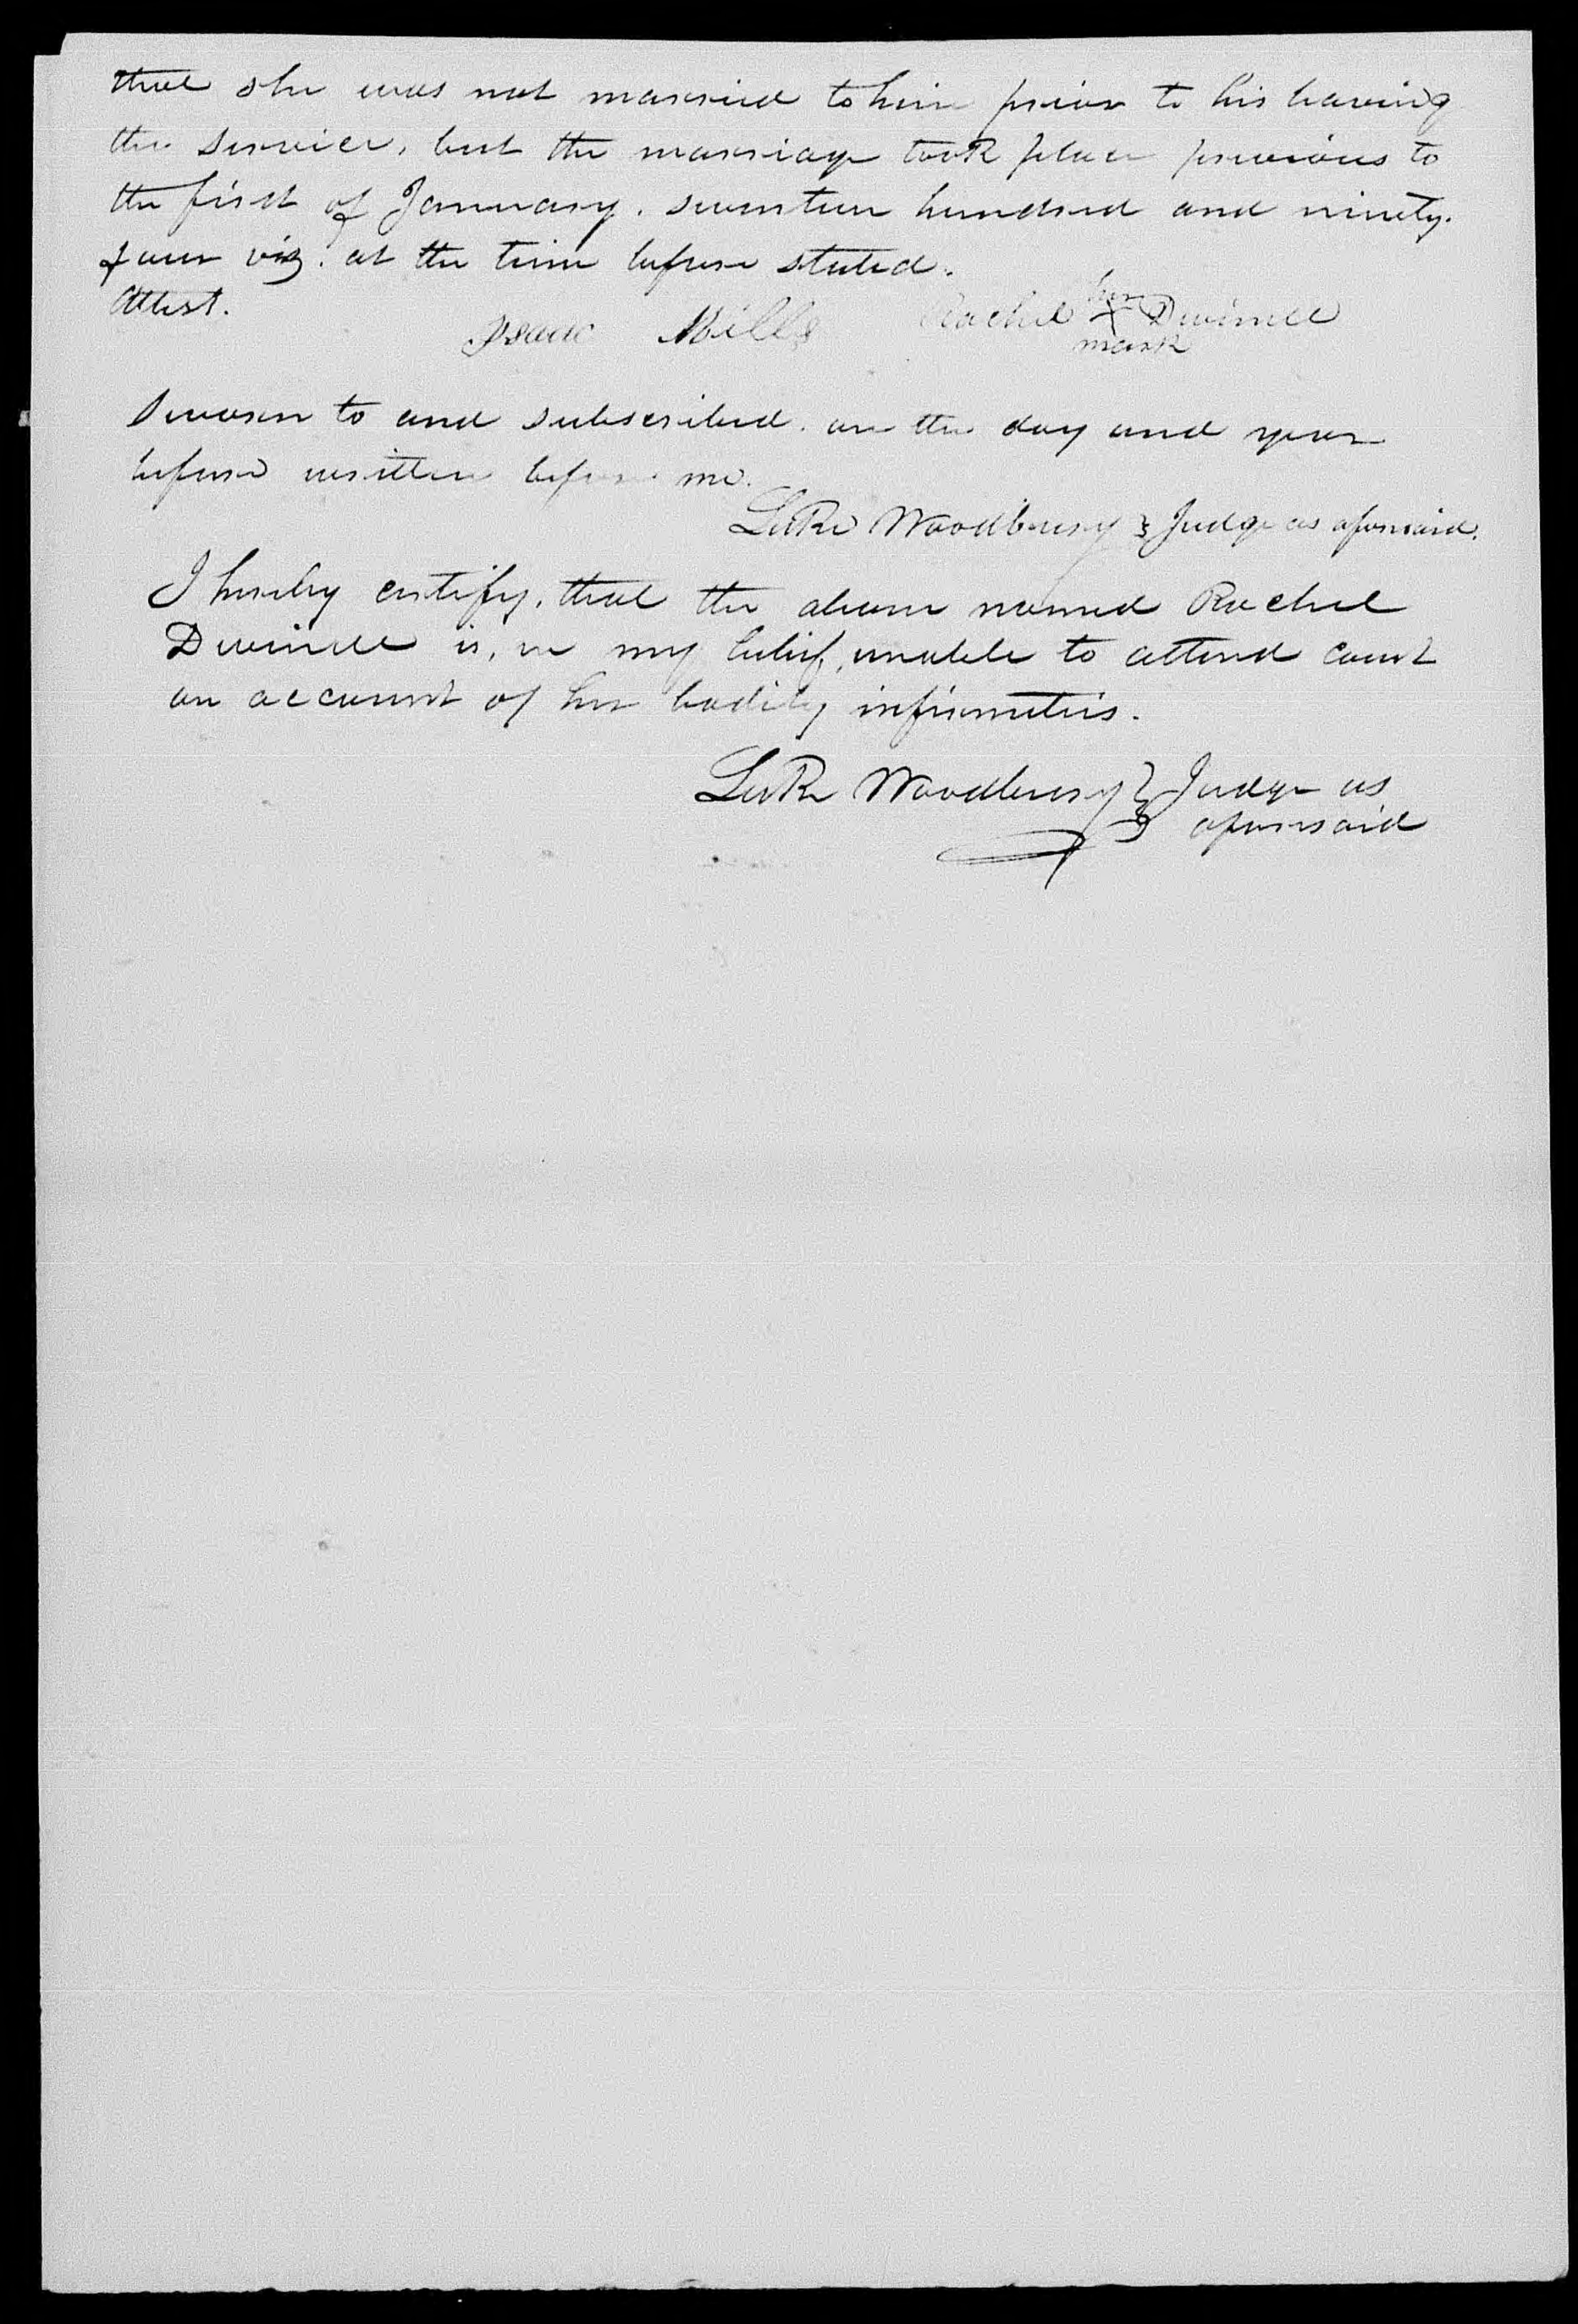that she was not married to him prior to his leaving the service, but the marriage took place previous to the first of January. seventeen hundred and ninety. & was wid. at the time before stated.
Attest. Isaac Mills Rachel her X mark Dwinell
Sworn to and subscribed on the day and year before written before me.
Luke Woodbury } Judge as aforesaid.
I hereby certify, that the above named Rachel Dwinell is, in my belief, unable to attend court on account of her bodily infirmities. 
Luke Woodbury } Judge as aforesaid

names: Rachel Dwinell, Luke Woodbury, Rachel Dwinell, Luke Woodbury, Isaac Mills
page: 7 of 22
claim: widow's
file: W. 22984, John Dwinnell, Mass.